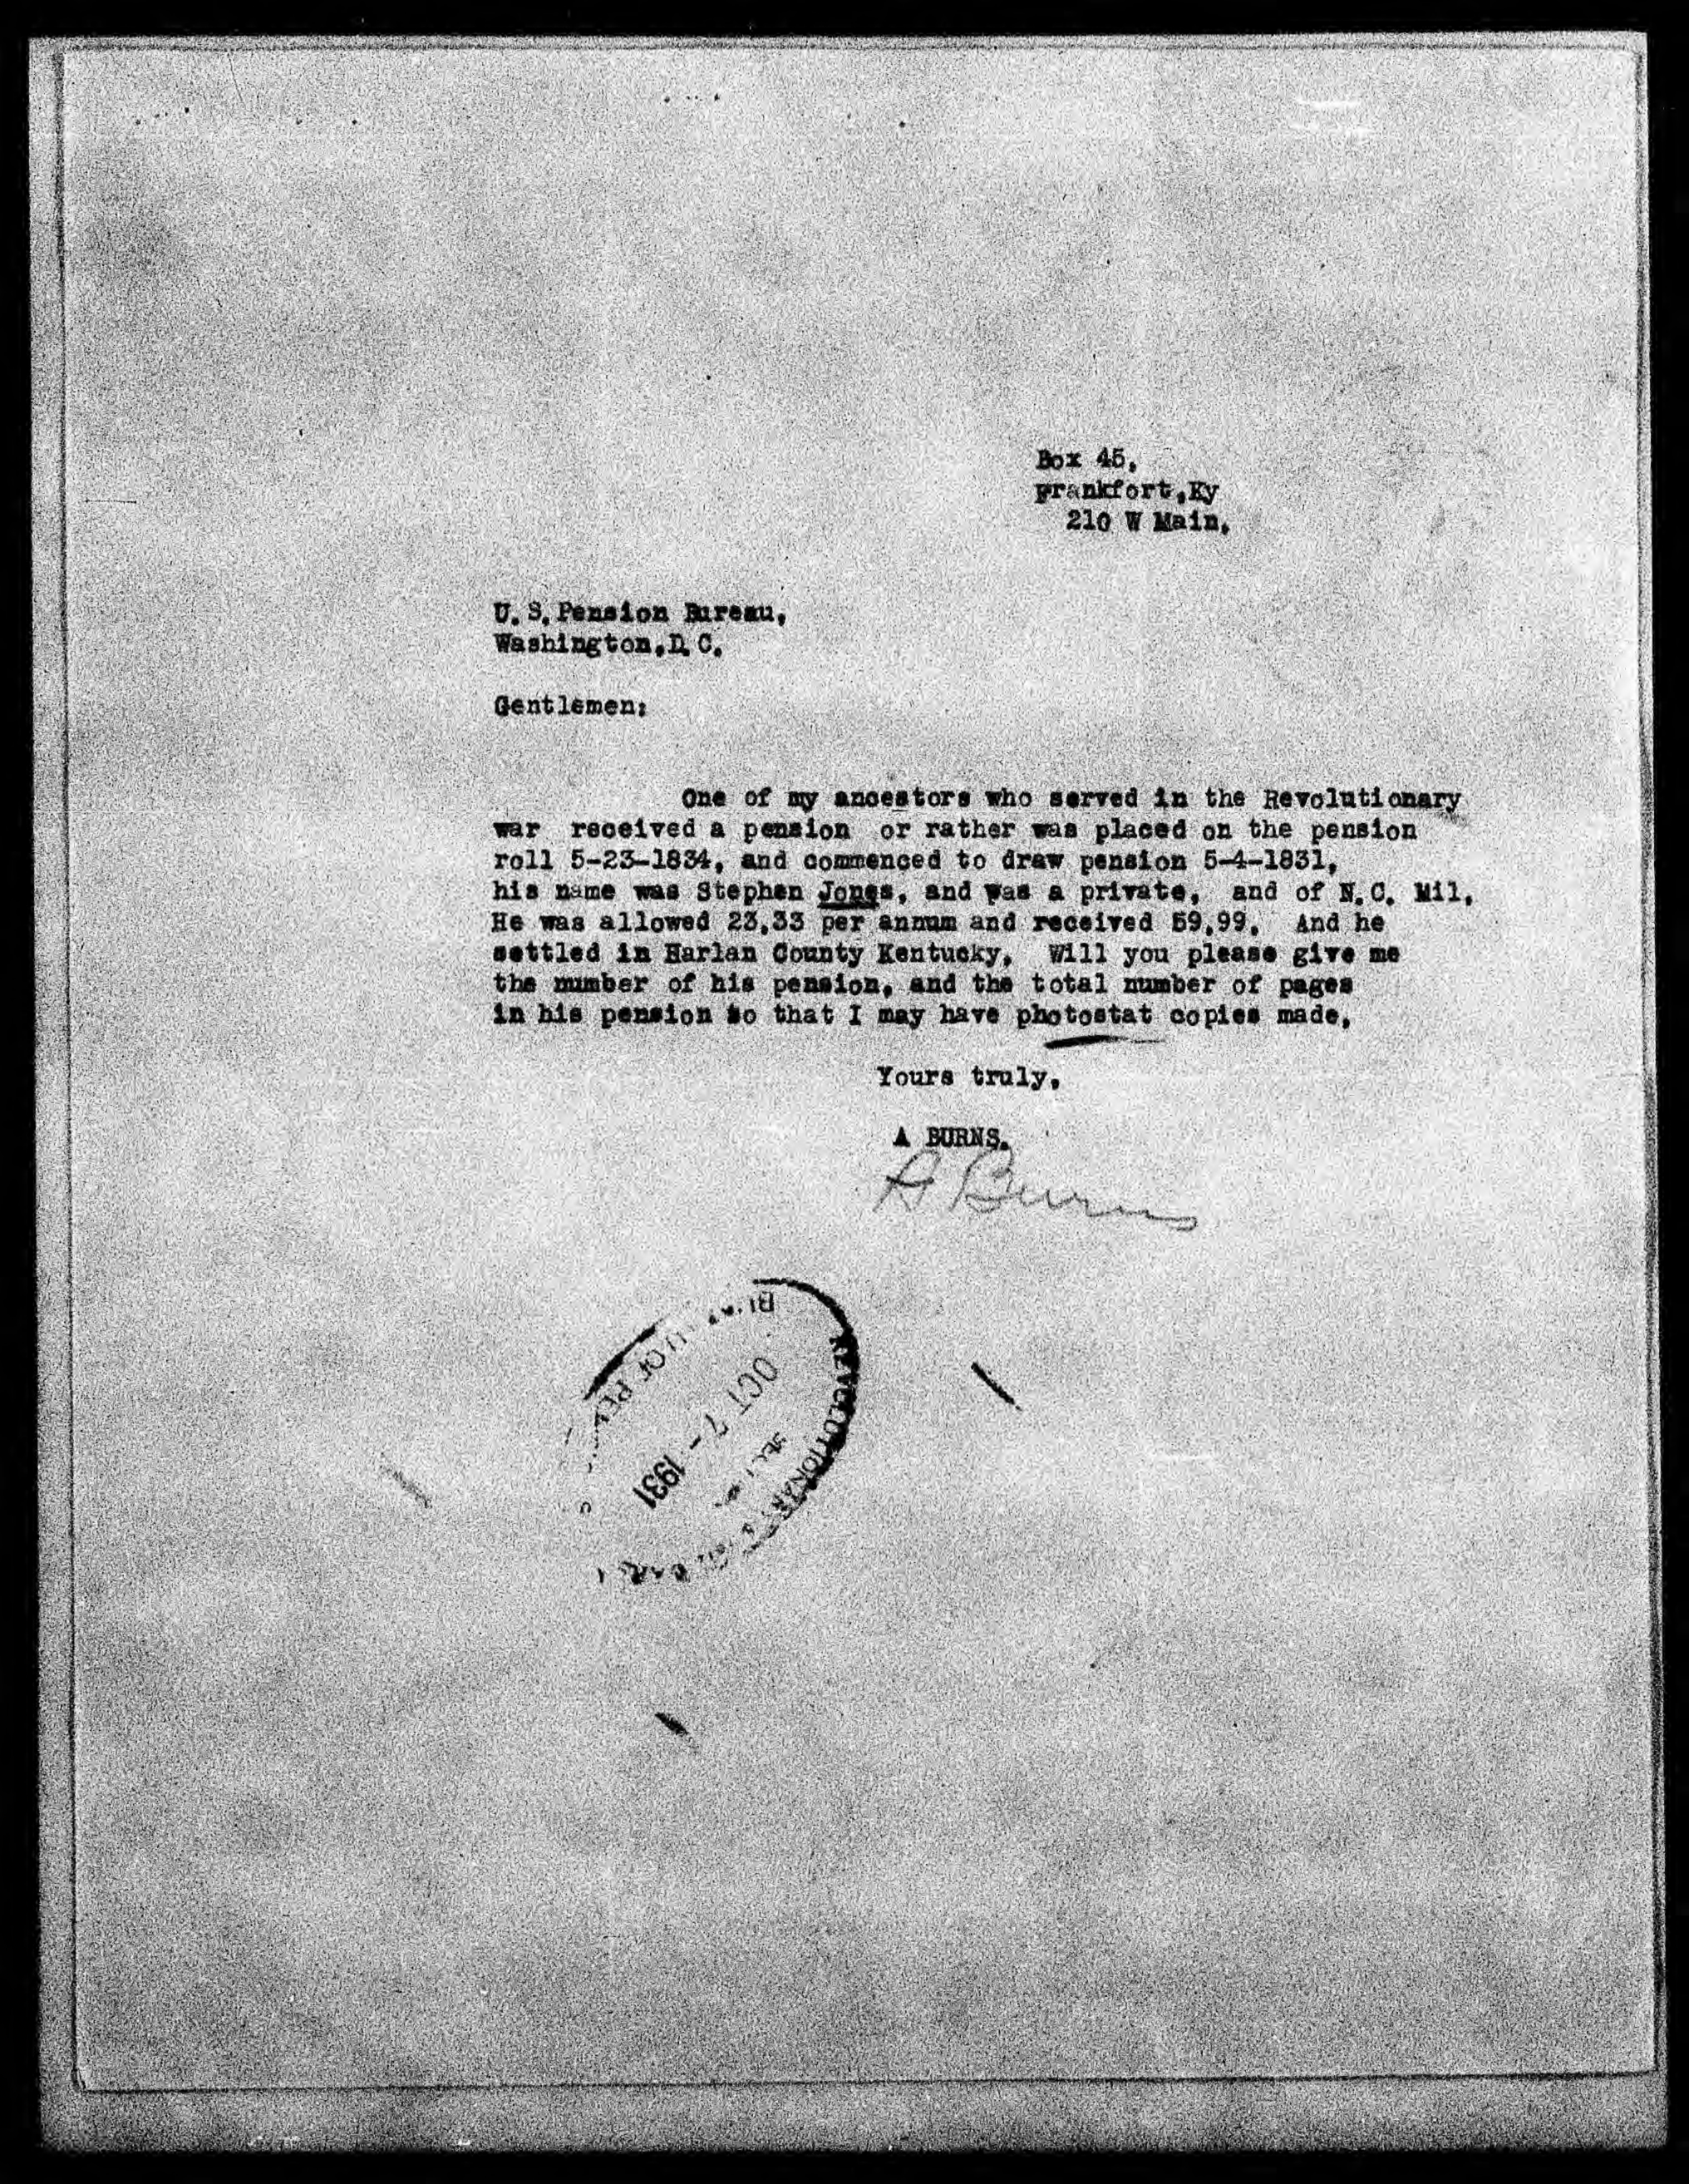Box 45
Frankfort, Ky
210 W Main,

U. S. Pension Bureau,
Washington, D.C.

Gentlemen:

One of my ancestors who served in the Revolutionary 
war received a pension or rather was placed on the pension
roll 5-23-1834, and commenced to draw pension 5-4-1831,
his name was Stephen Jones, and was a private, and of N.C. Mil.
He was allowed 23.33 per annum and received 59.99.  And he 
settled in Harlan County Kentucky.  Will you please give me 
the number of his pension, and the total number of pages
in his pension so that I may have photostat copies made.

Yours truly,

A BURNS


[date stamp]
REVOLUTIONARY & 1812 WARS
SECTION 
OCT 7 1931
BUREAU OF PENSIONS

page: 13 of 17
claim: survivor's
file: S. 38092, for Stephen Jones, North Carolina